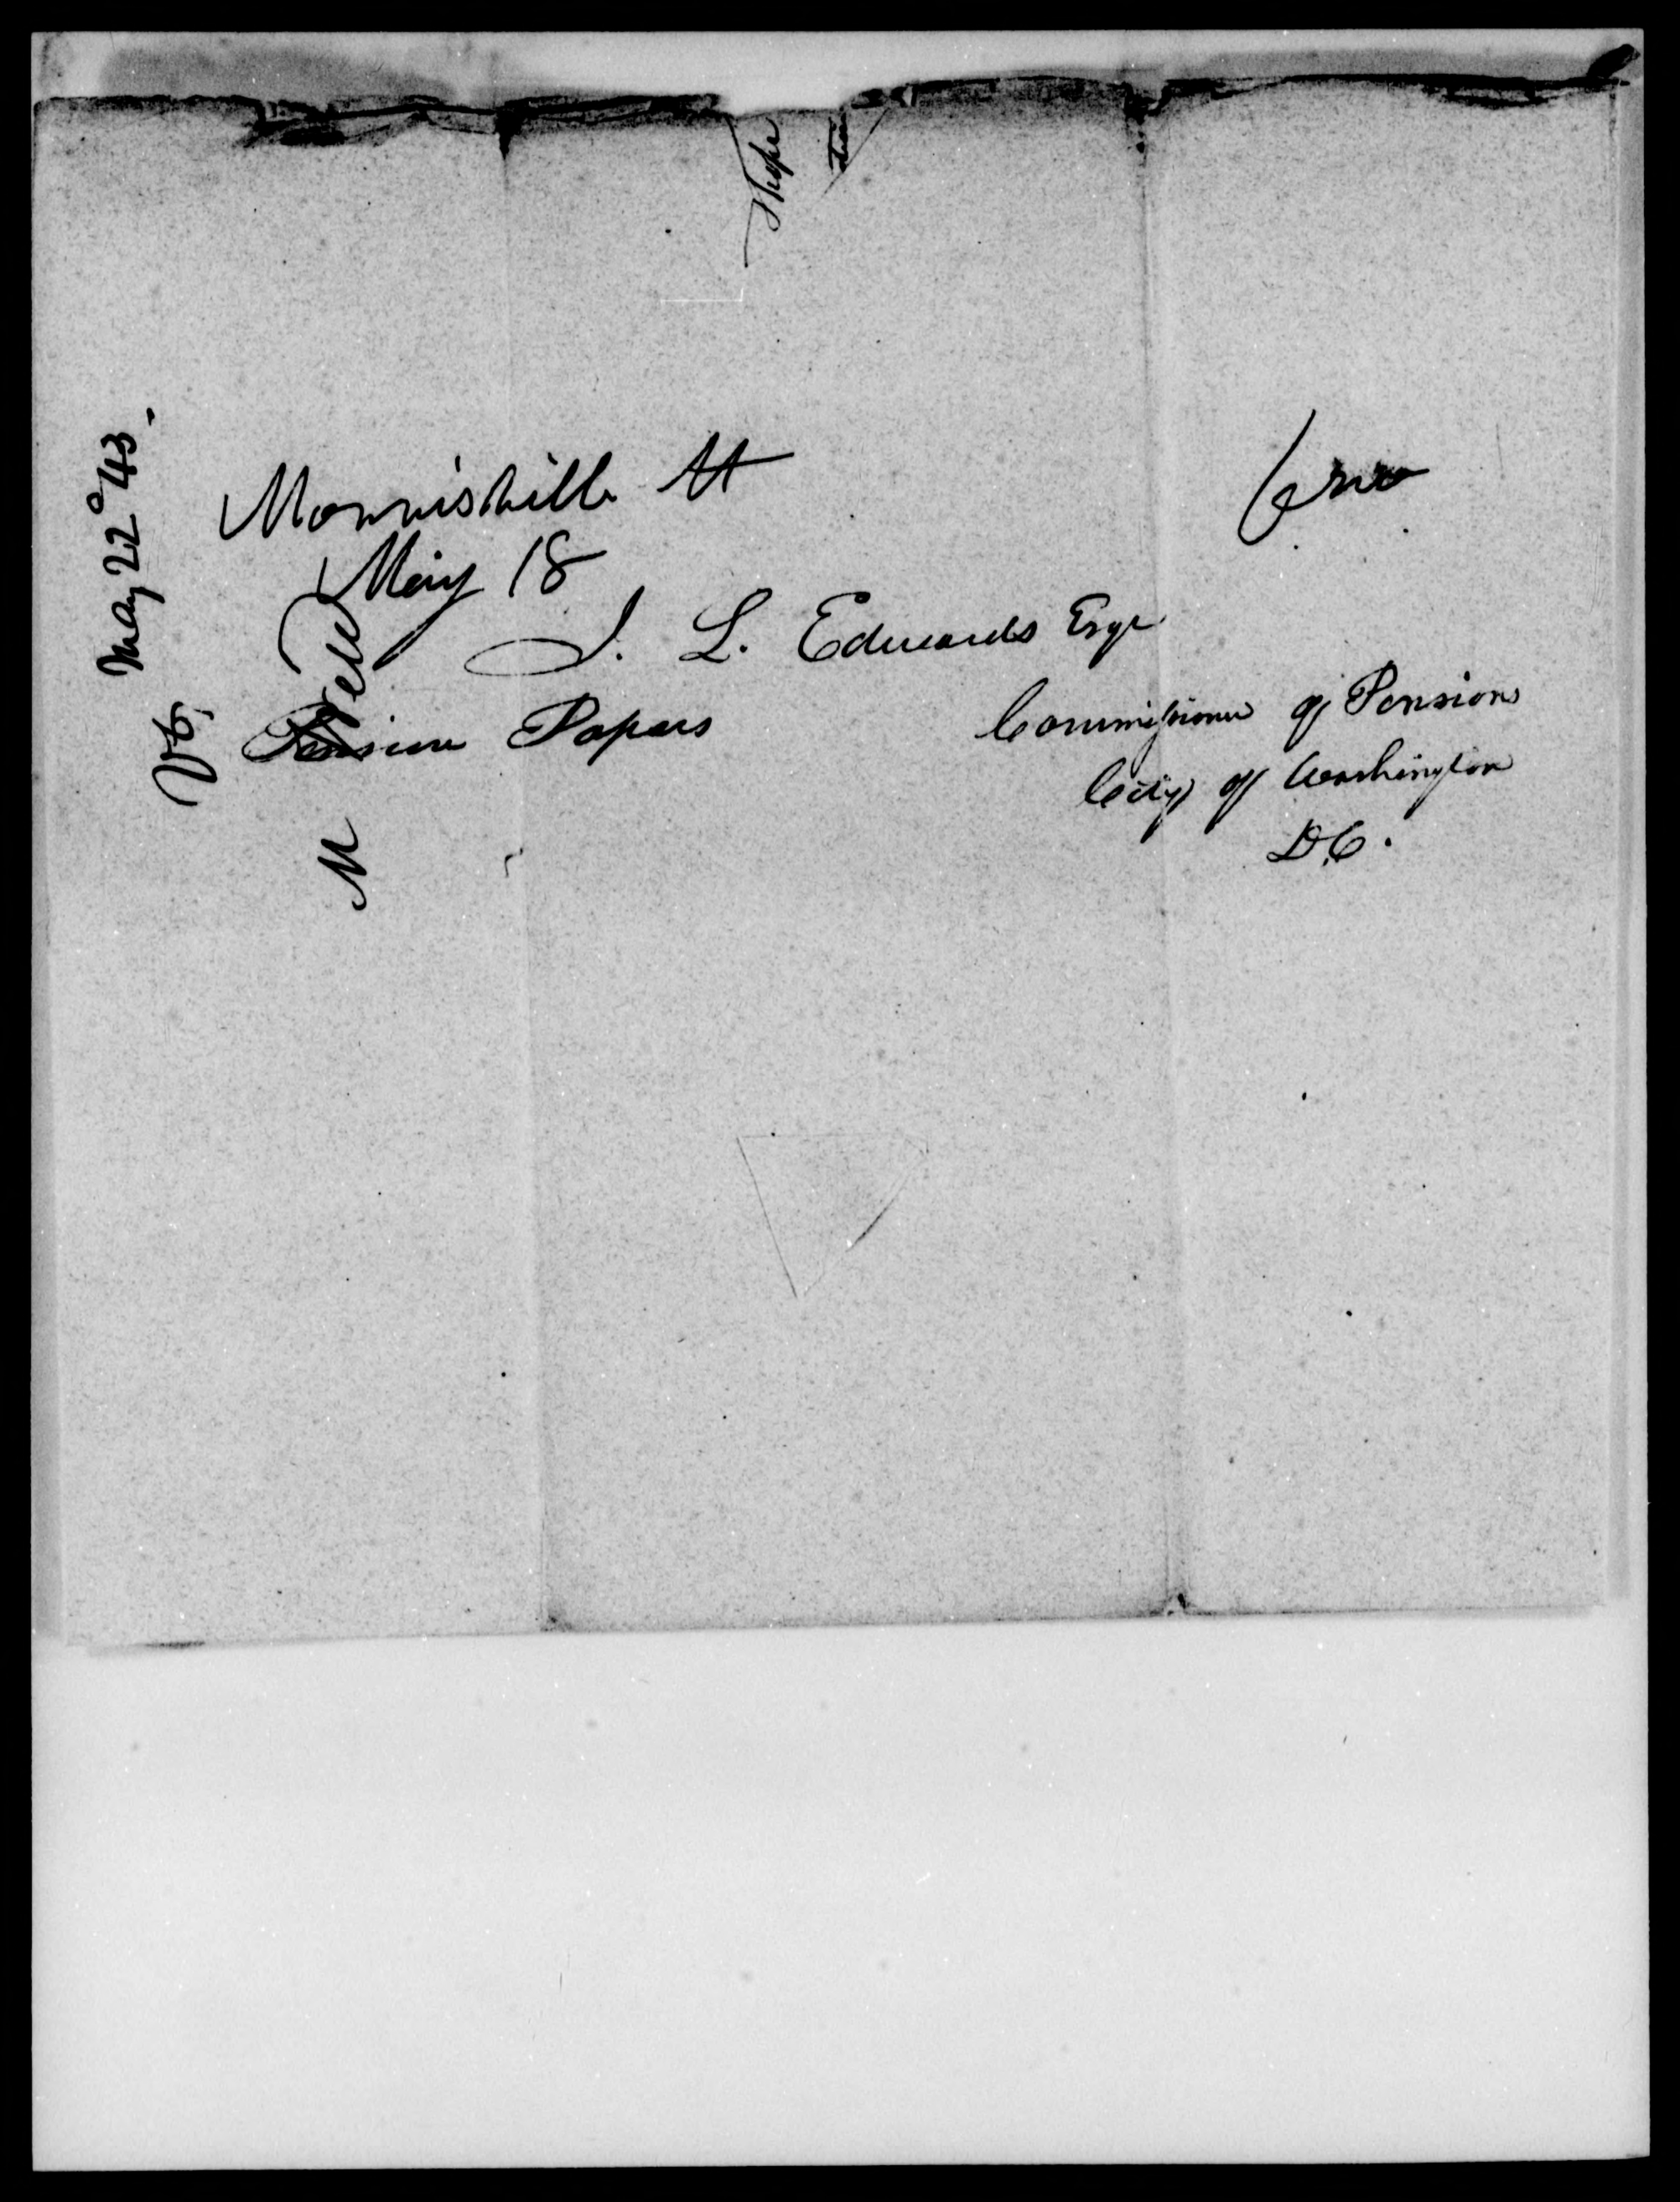Morrisville, Vt
May 18
J. L. Edwards Esqr
Pension Papers
Commissioner of Pensions
City of Washington D.C.

Edit: text written at 90 degrees;
May 22 '43
Vt.
M Weld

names: Weld, J L Edwards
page: 32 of 87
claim: widow's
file: W. 25,966, Moses Weld, Mass.